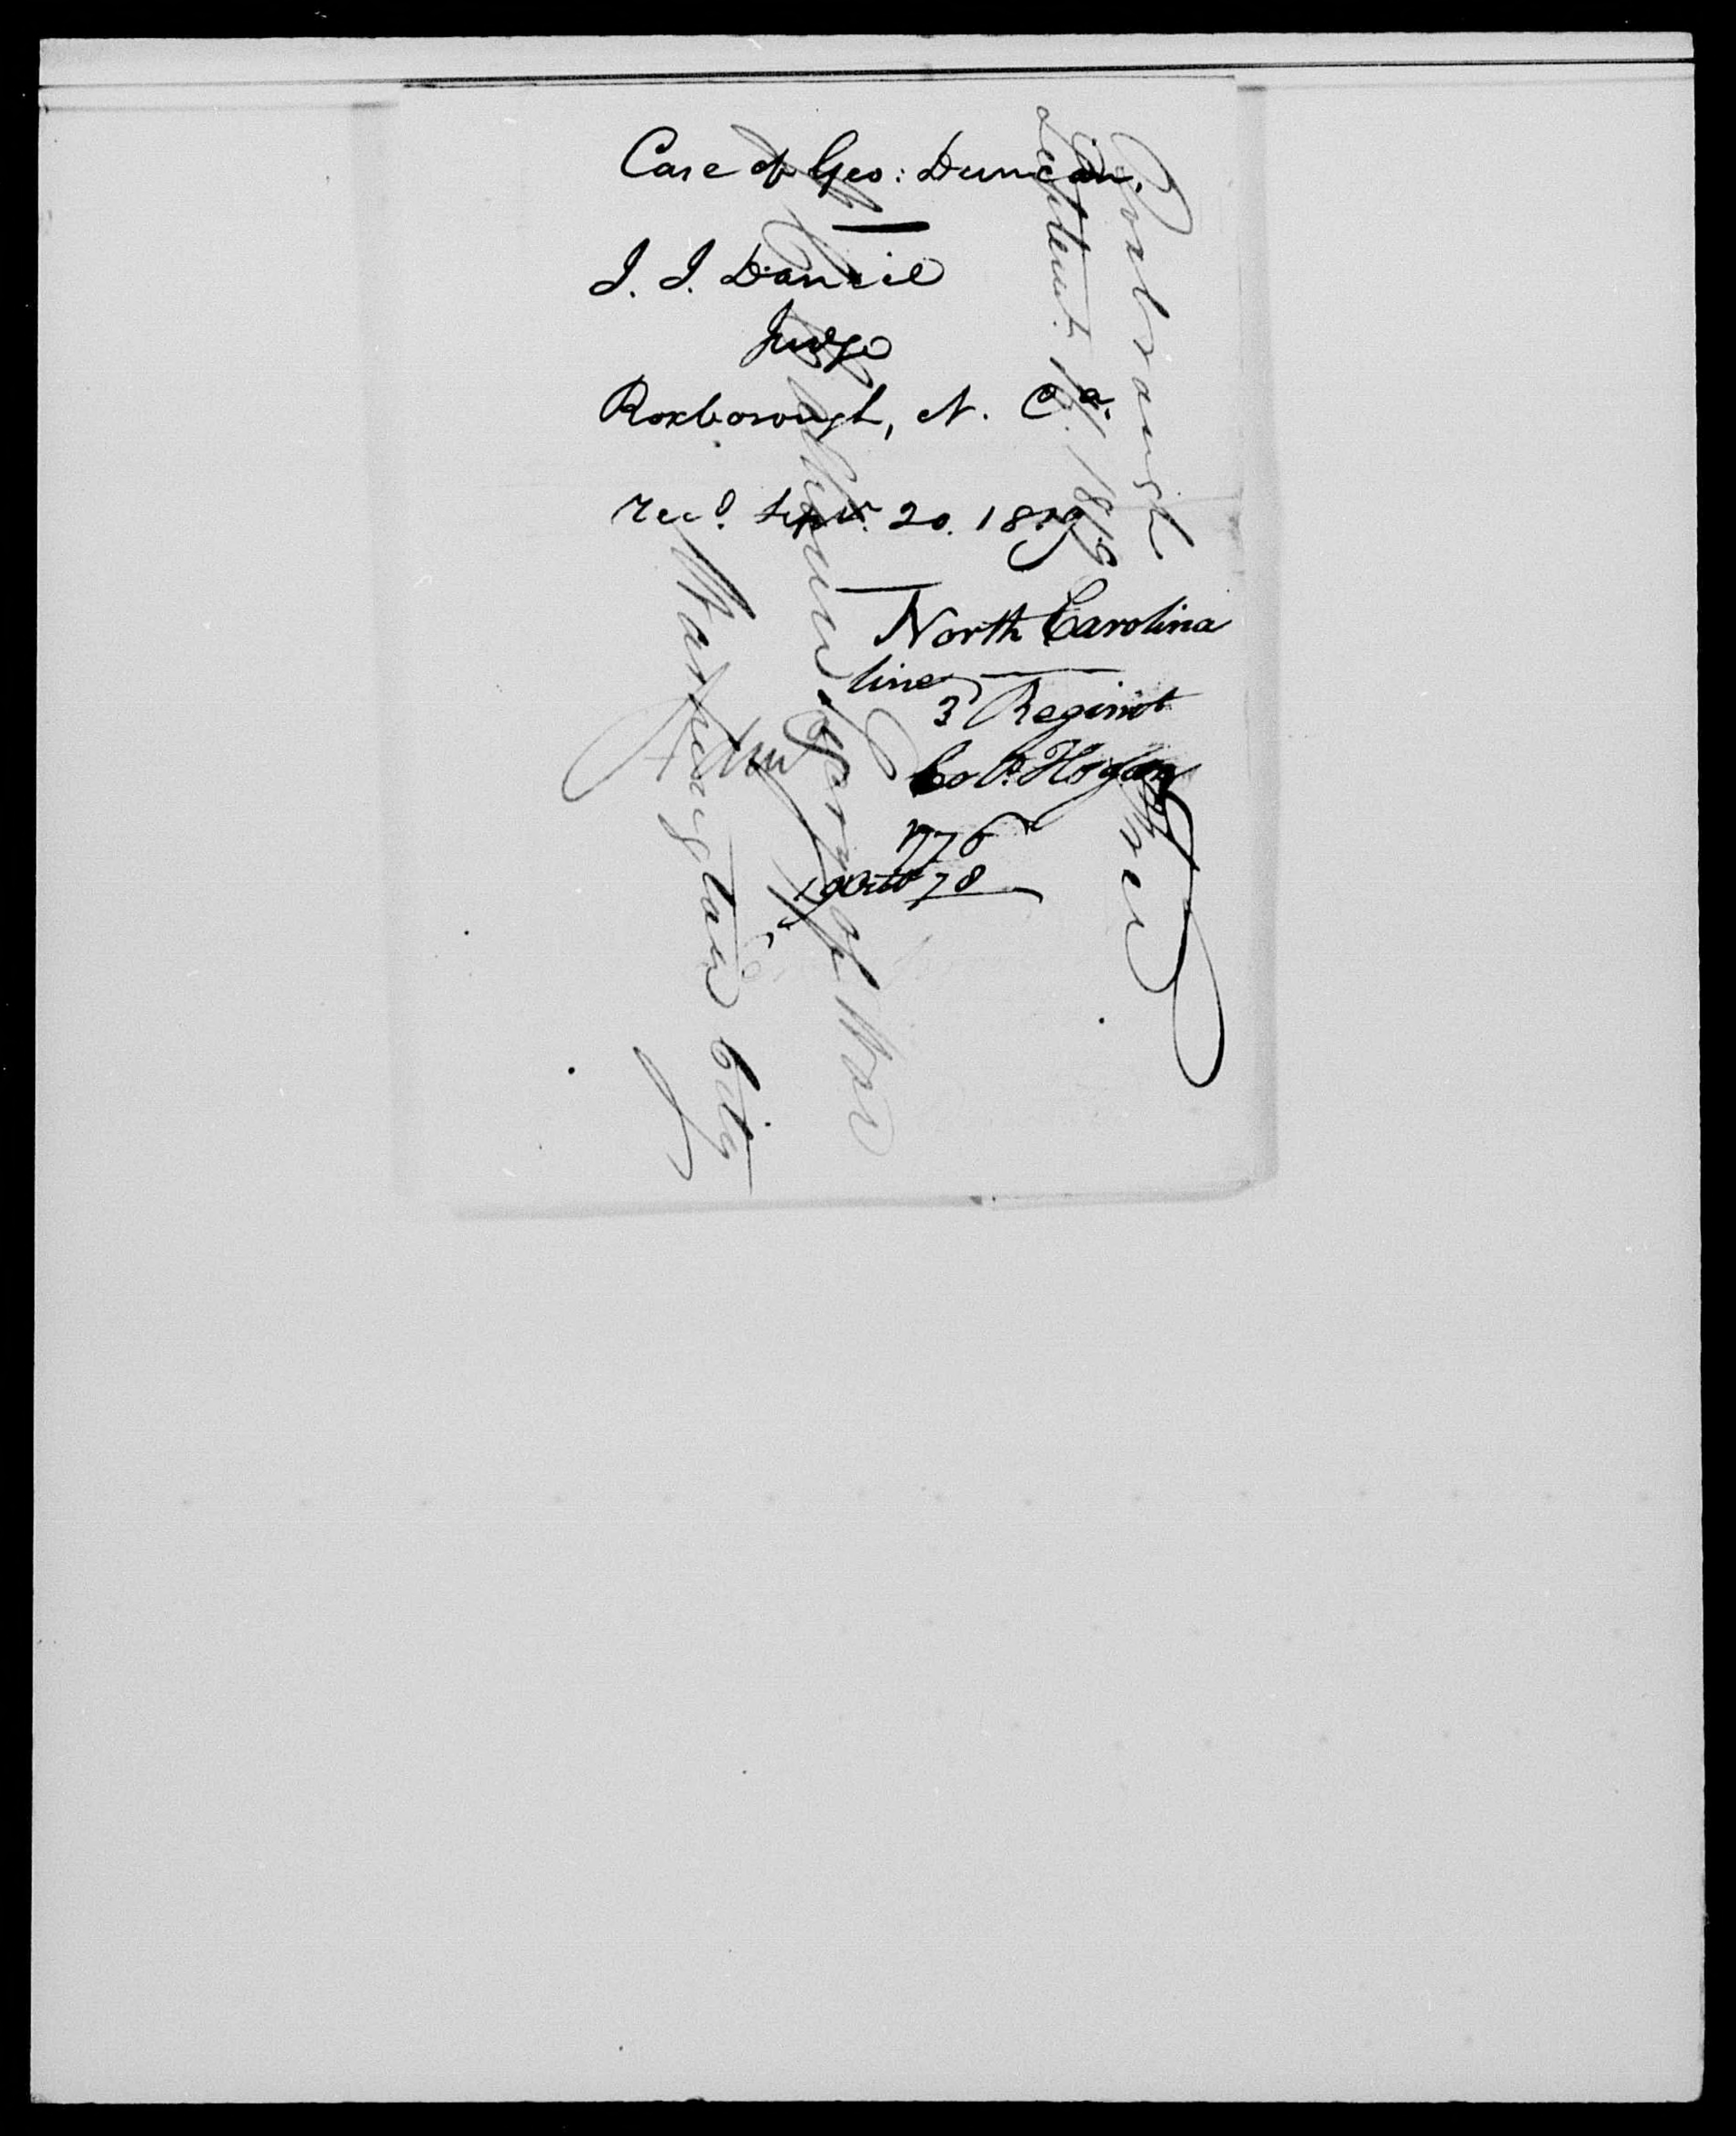Case of George Duncan,

J. J. Daniel
Judge
Roxborough, North Carolina
received September 20 1819

North Carolina
line 
3 Regiment
Colonel P. Hogdon
1776
19 October 1778


JC Calhoun Secetary of War
Washington City

Roxborough
(Illegible) 16 1819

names: Geo Duncan, J C Calhoun, J J Daniel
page: 12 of 49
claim: survivor's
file: S. 41513, George Duncan, N.C.